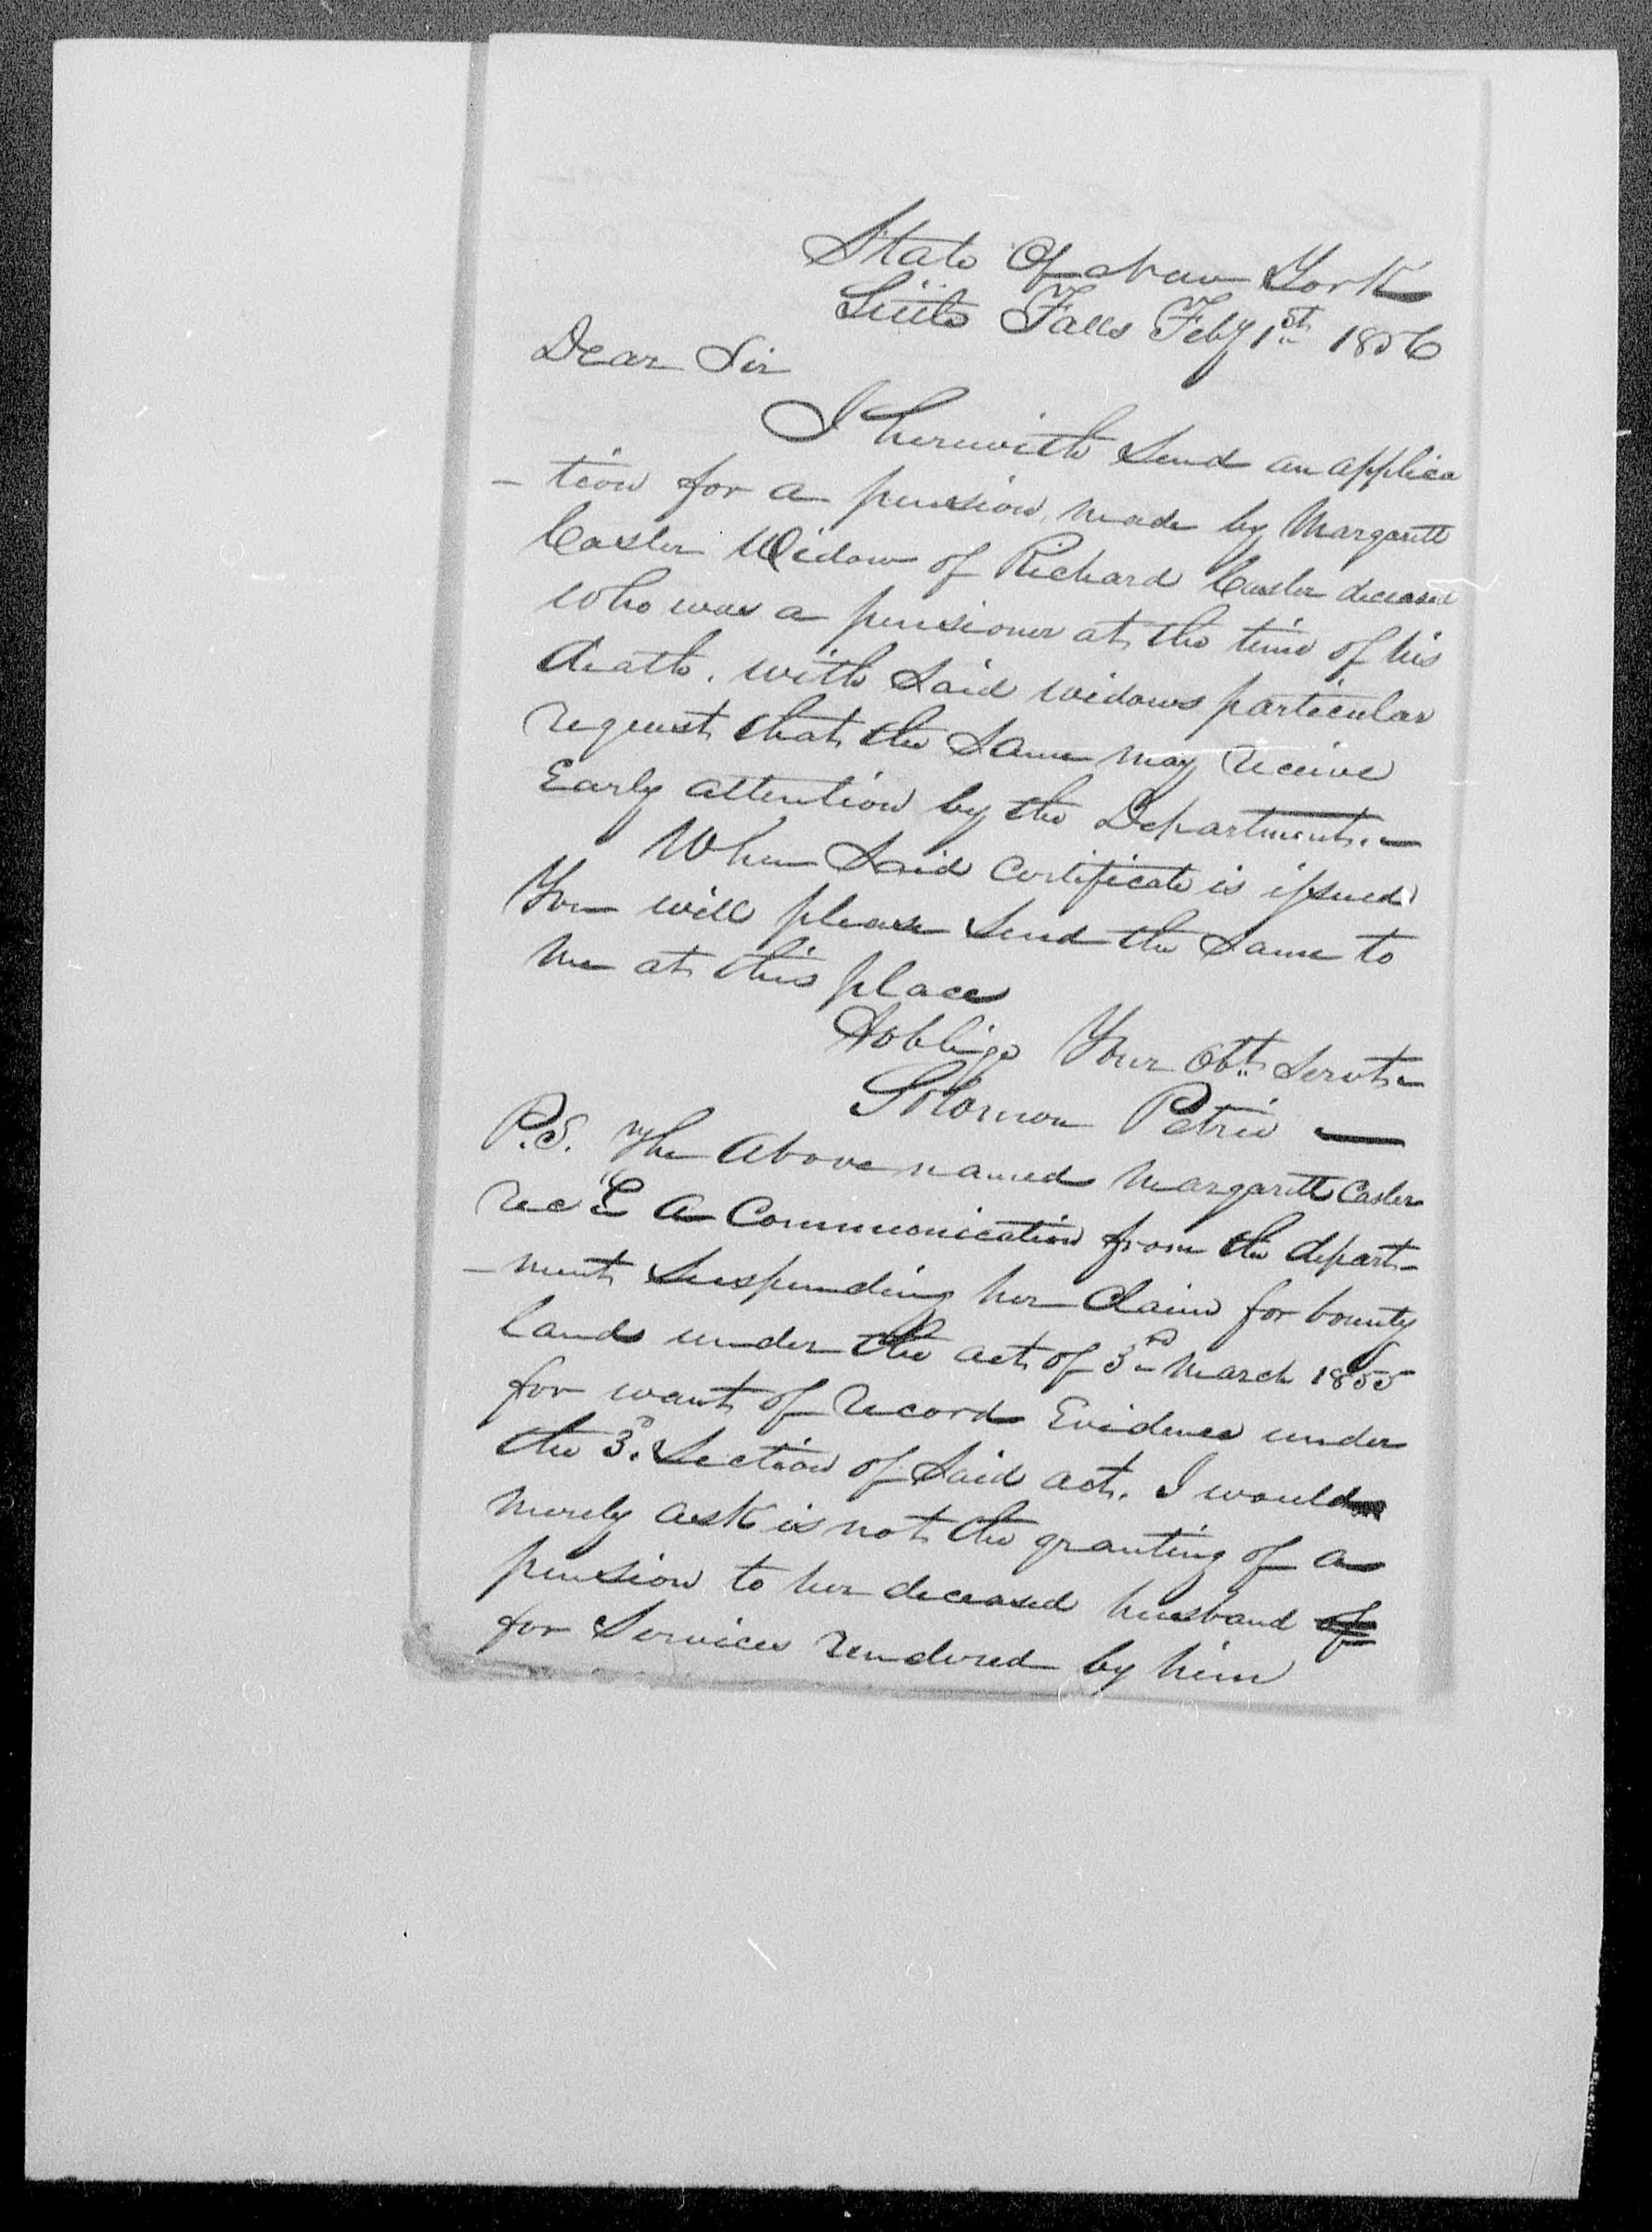State of New York 
Little Falls Feby 1st 1856 
Dear Sir 
I herewith send an application for a pension made by Margarett Casler Widow of Richard Casler deceased who was a pensioner at the time of his death, with said widows particular request that the same may receive early attention by the Department 
When said certificate is issued, You will please send the same to the at this place 
& oblige your obt Servt 
[signed] Solomon Petrie 
P.S. The above named Margaret Casler recd a communication from the department suspending her claim for bounty land under the act of 3d March 1855 for want of record evidence under the 3d Section of said act. I would merely ask is not the granting of a pension to her deceased husband for services rendered by him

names: Margarett Casler, Margarett Casler, Solomon Petrie, Richard Casler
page: 40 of 66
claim: widow's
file: W. 6637, Richard Caslar, New York